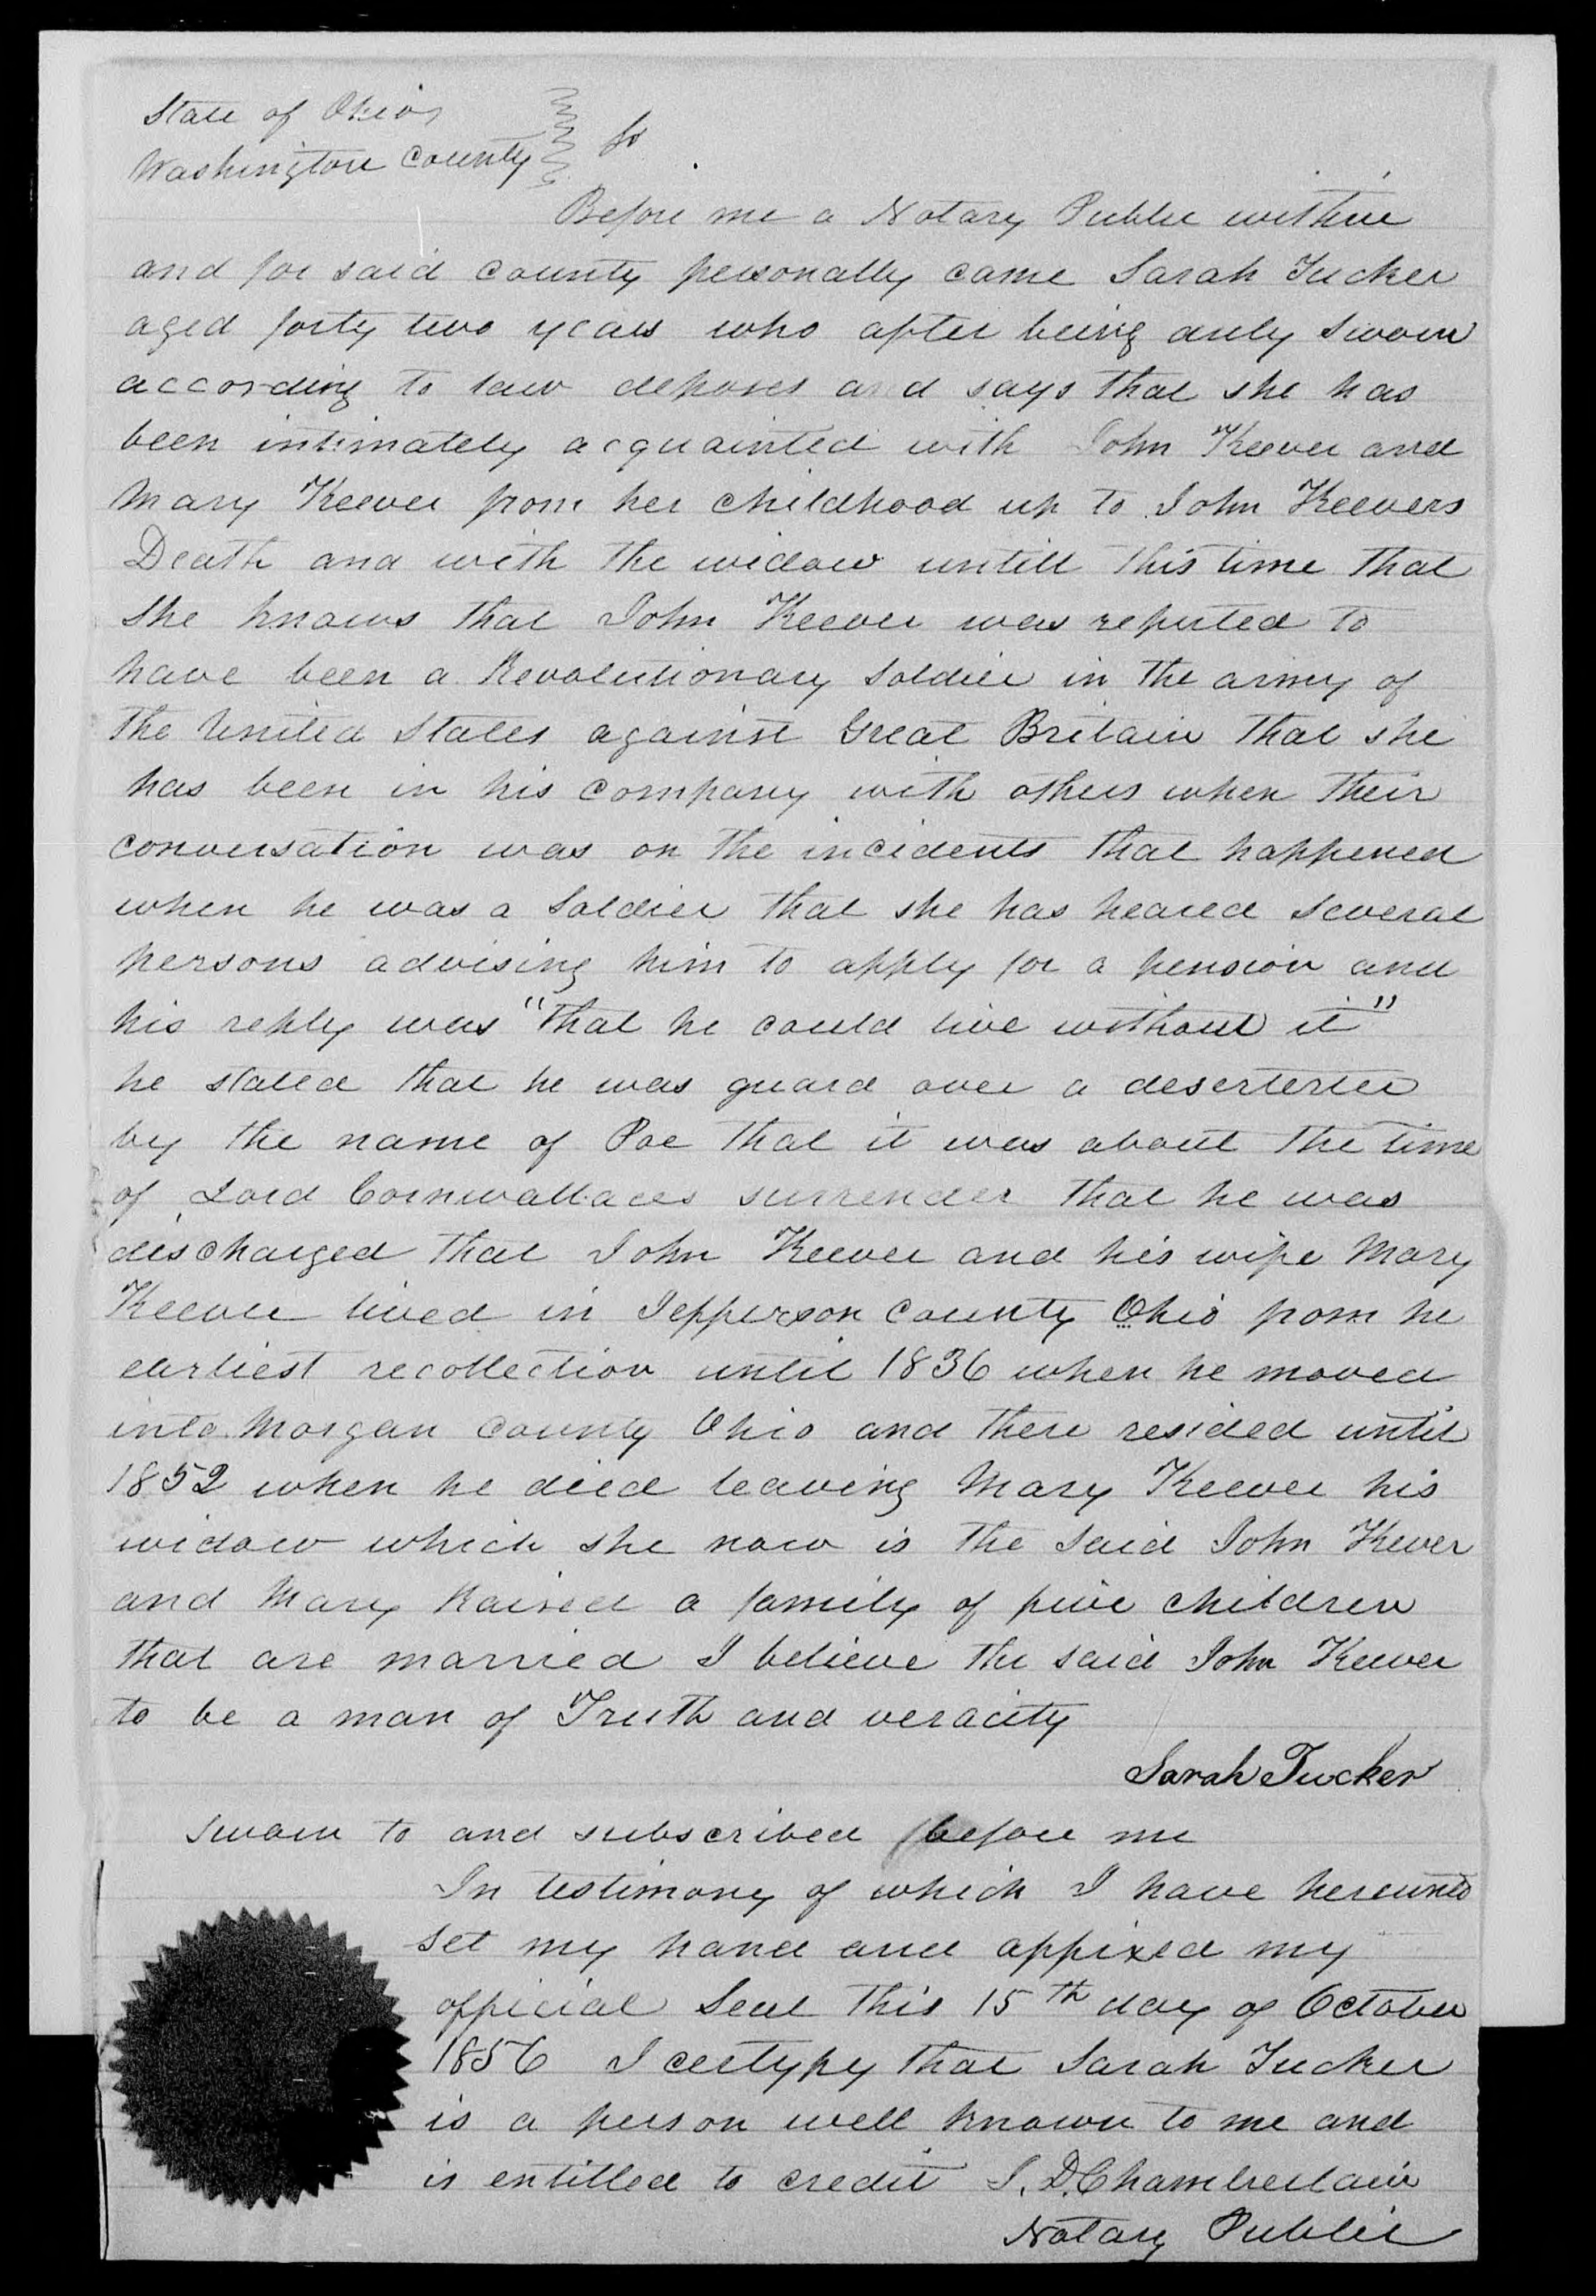State of Ohio 
Washington County ⎬ ss
Before me a Notary Public within 
and for said County personally came Sarah Tucker 
aged forty two years who after being duly Sworn
according to law deposes and says that she has 
been intimately acquainted with John Keever and 
Mary Keever from her childhood up to John Keevers 
Death and with the widow untill this time that 
she knows that John Keever was reputed to have been a Revolutionary soldier in the army of the United States against Great Britain that she has been in his company with others when their conversation was on the incidents that happened 
when he was a soldier that she has heard several persons advising him to apply for a pension and 
his reply was "that he could live without it”
he stated that he was guard over a deserterter 
by the name of Poe that it was about the time 
of Lord Cornwallaces [Cornwallis] surrender that he was 
discharged that John Keever and his wife Mary 
Keever lived in Jefferson County Ohio from he 
earliest recollection until 1836 when he moved 
into Morgan County Ohio and there resided until 1852 when he died leaving Mary Keever his 
widow which she now is the said John Keever 
and Mary Raised a family of five children 
that are married I believe the said John Keever to be a man of Truth and veracity 
Sarah Tucker 
Sworn to and subscribed before me 
In testimony of which I have hereunto 
set my hand and affixed my 
official Seal this 15th day of October 
1856 I certify that Sarah Tucker 
is a person well known to me and 
is entitled to credit 
J.D. Chamberlain 
Notary Public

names: Mary Raireel; J D Chamberlain; John Keever; Sarah Tucker; John Kever; Mary Keever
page: 13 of 33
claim: rejected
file: R. 5814, for John Keever, Maryland